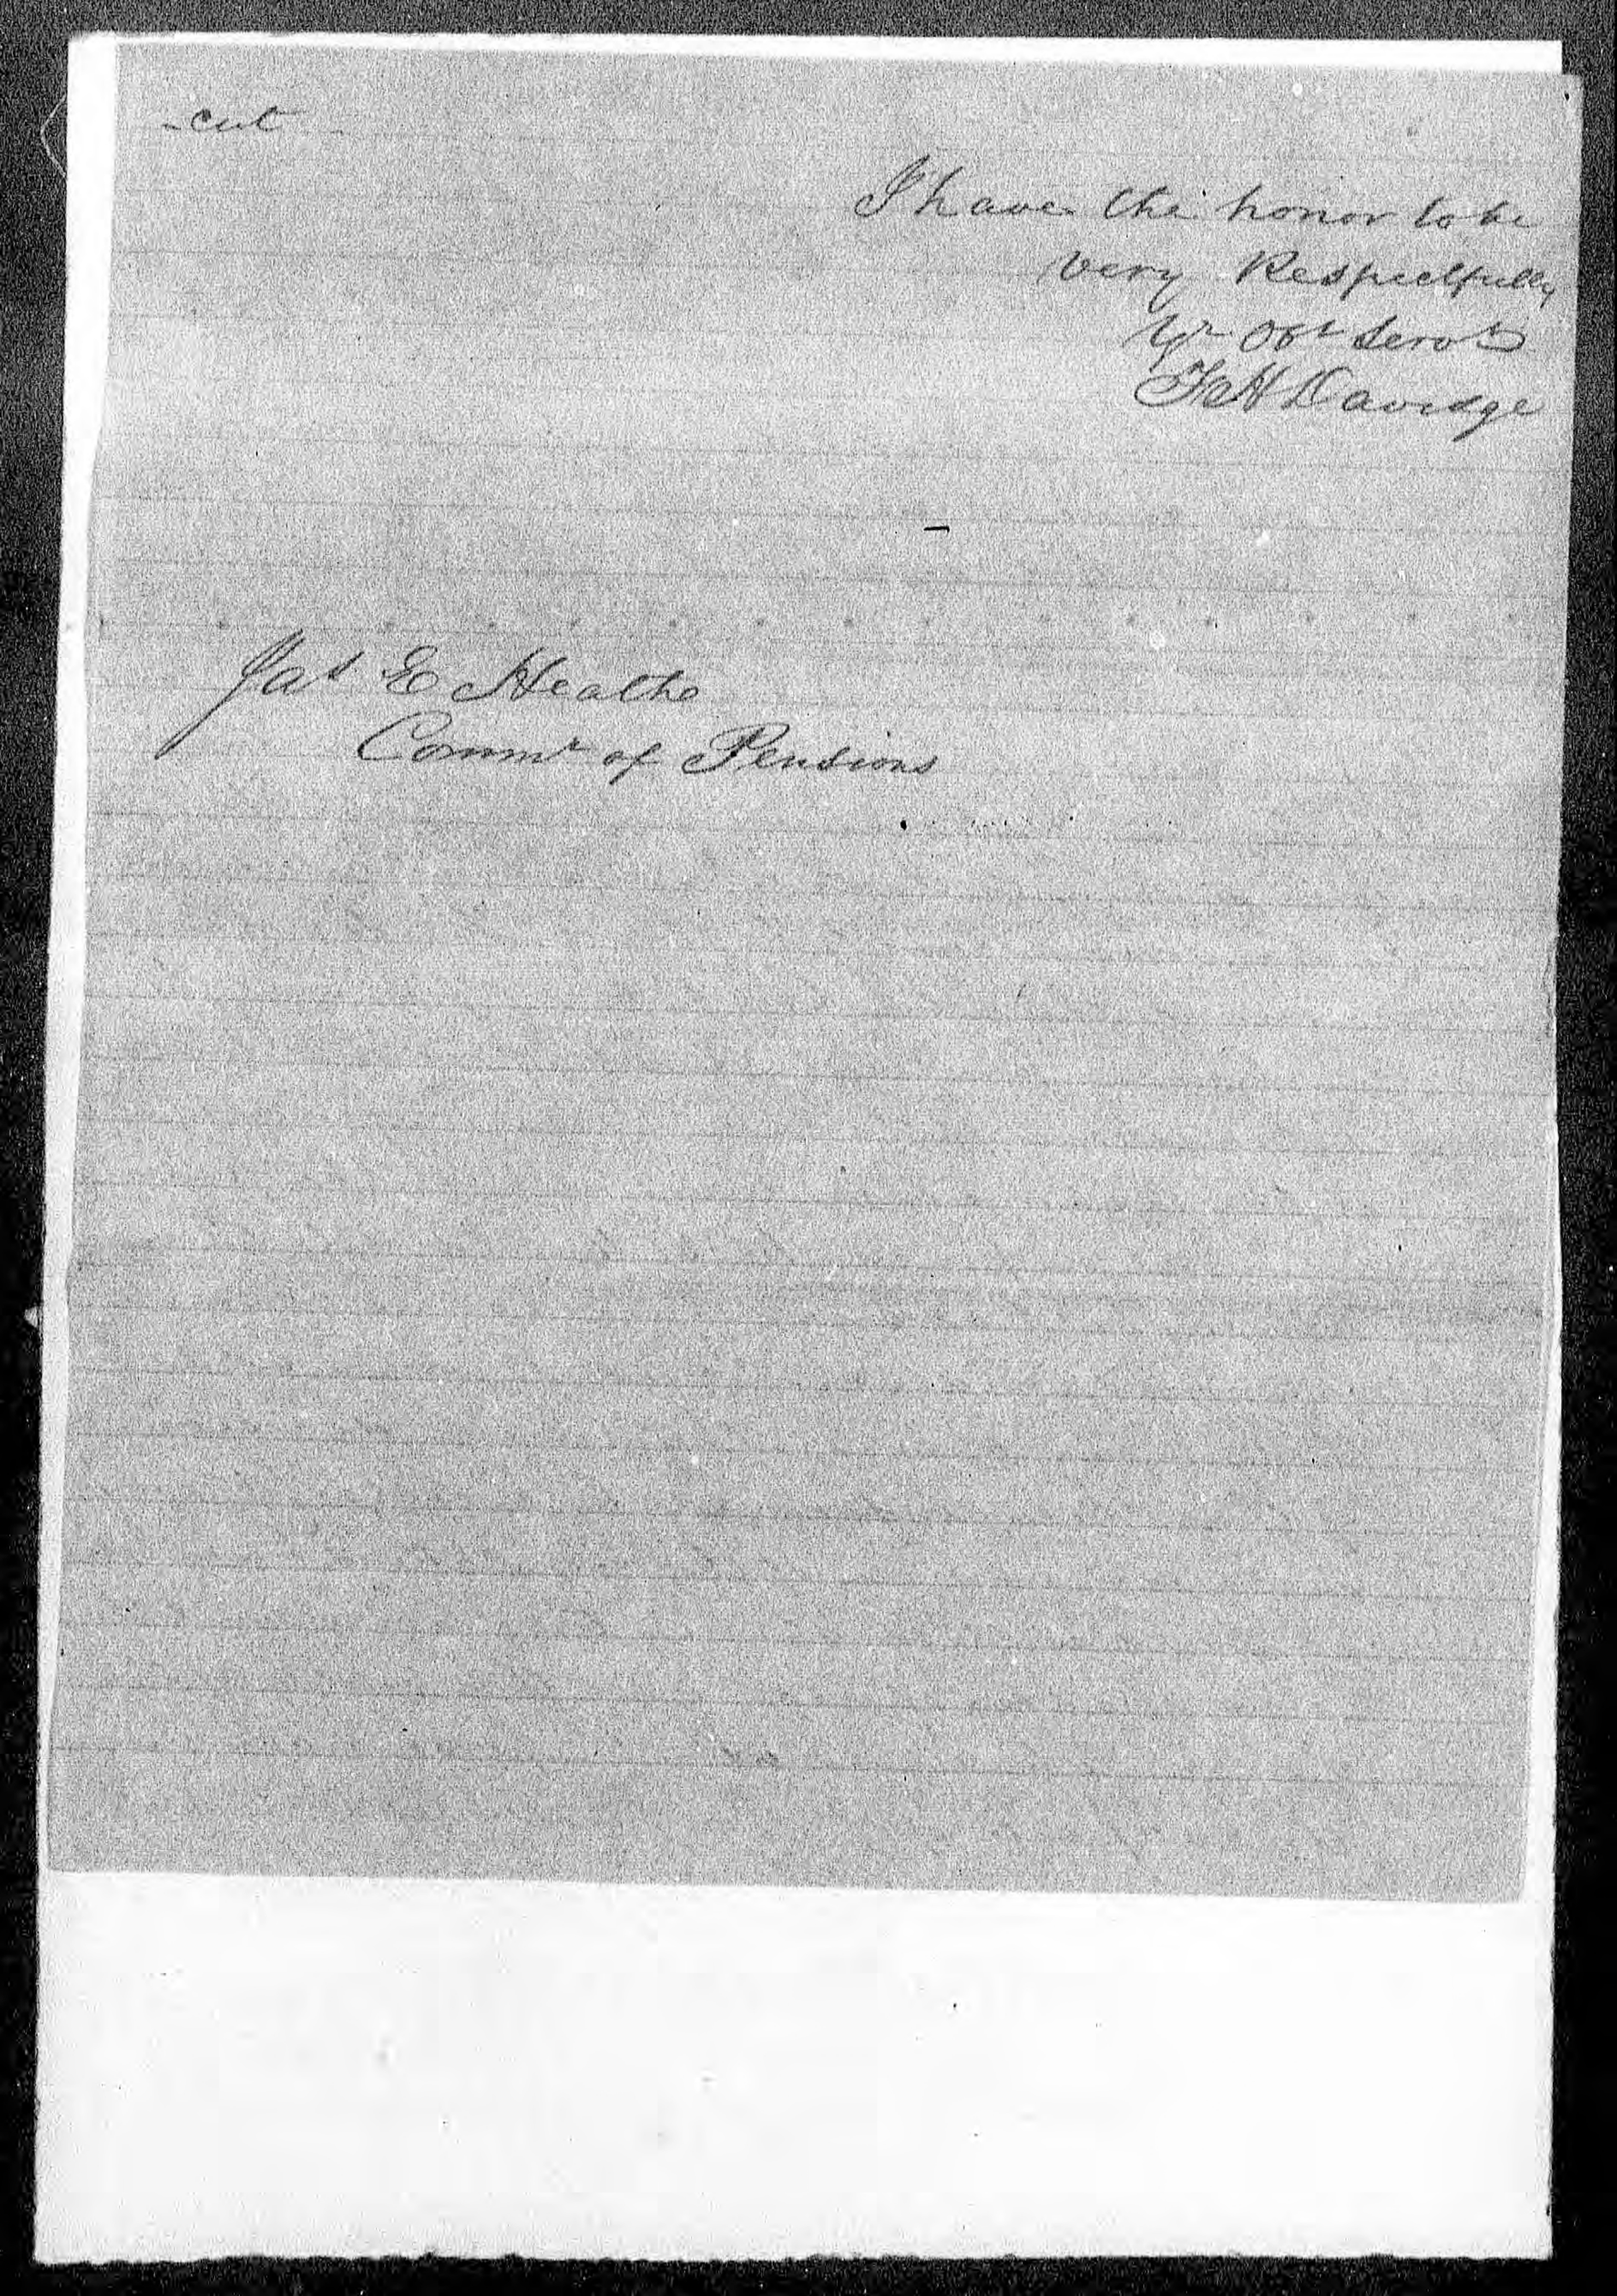cut
I have the honor  to be very respectfully yr obt Servt 
F H Davidge

Jas E Heath
Commr of Pensions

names: F H Davidge, Jas E Heath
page: 48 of 68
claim: rejected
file: R. 2,360, John Couch, Conn.